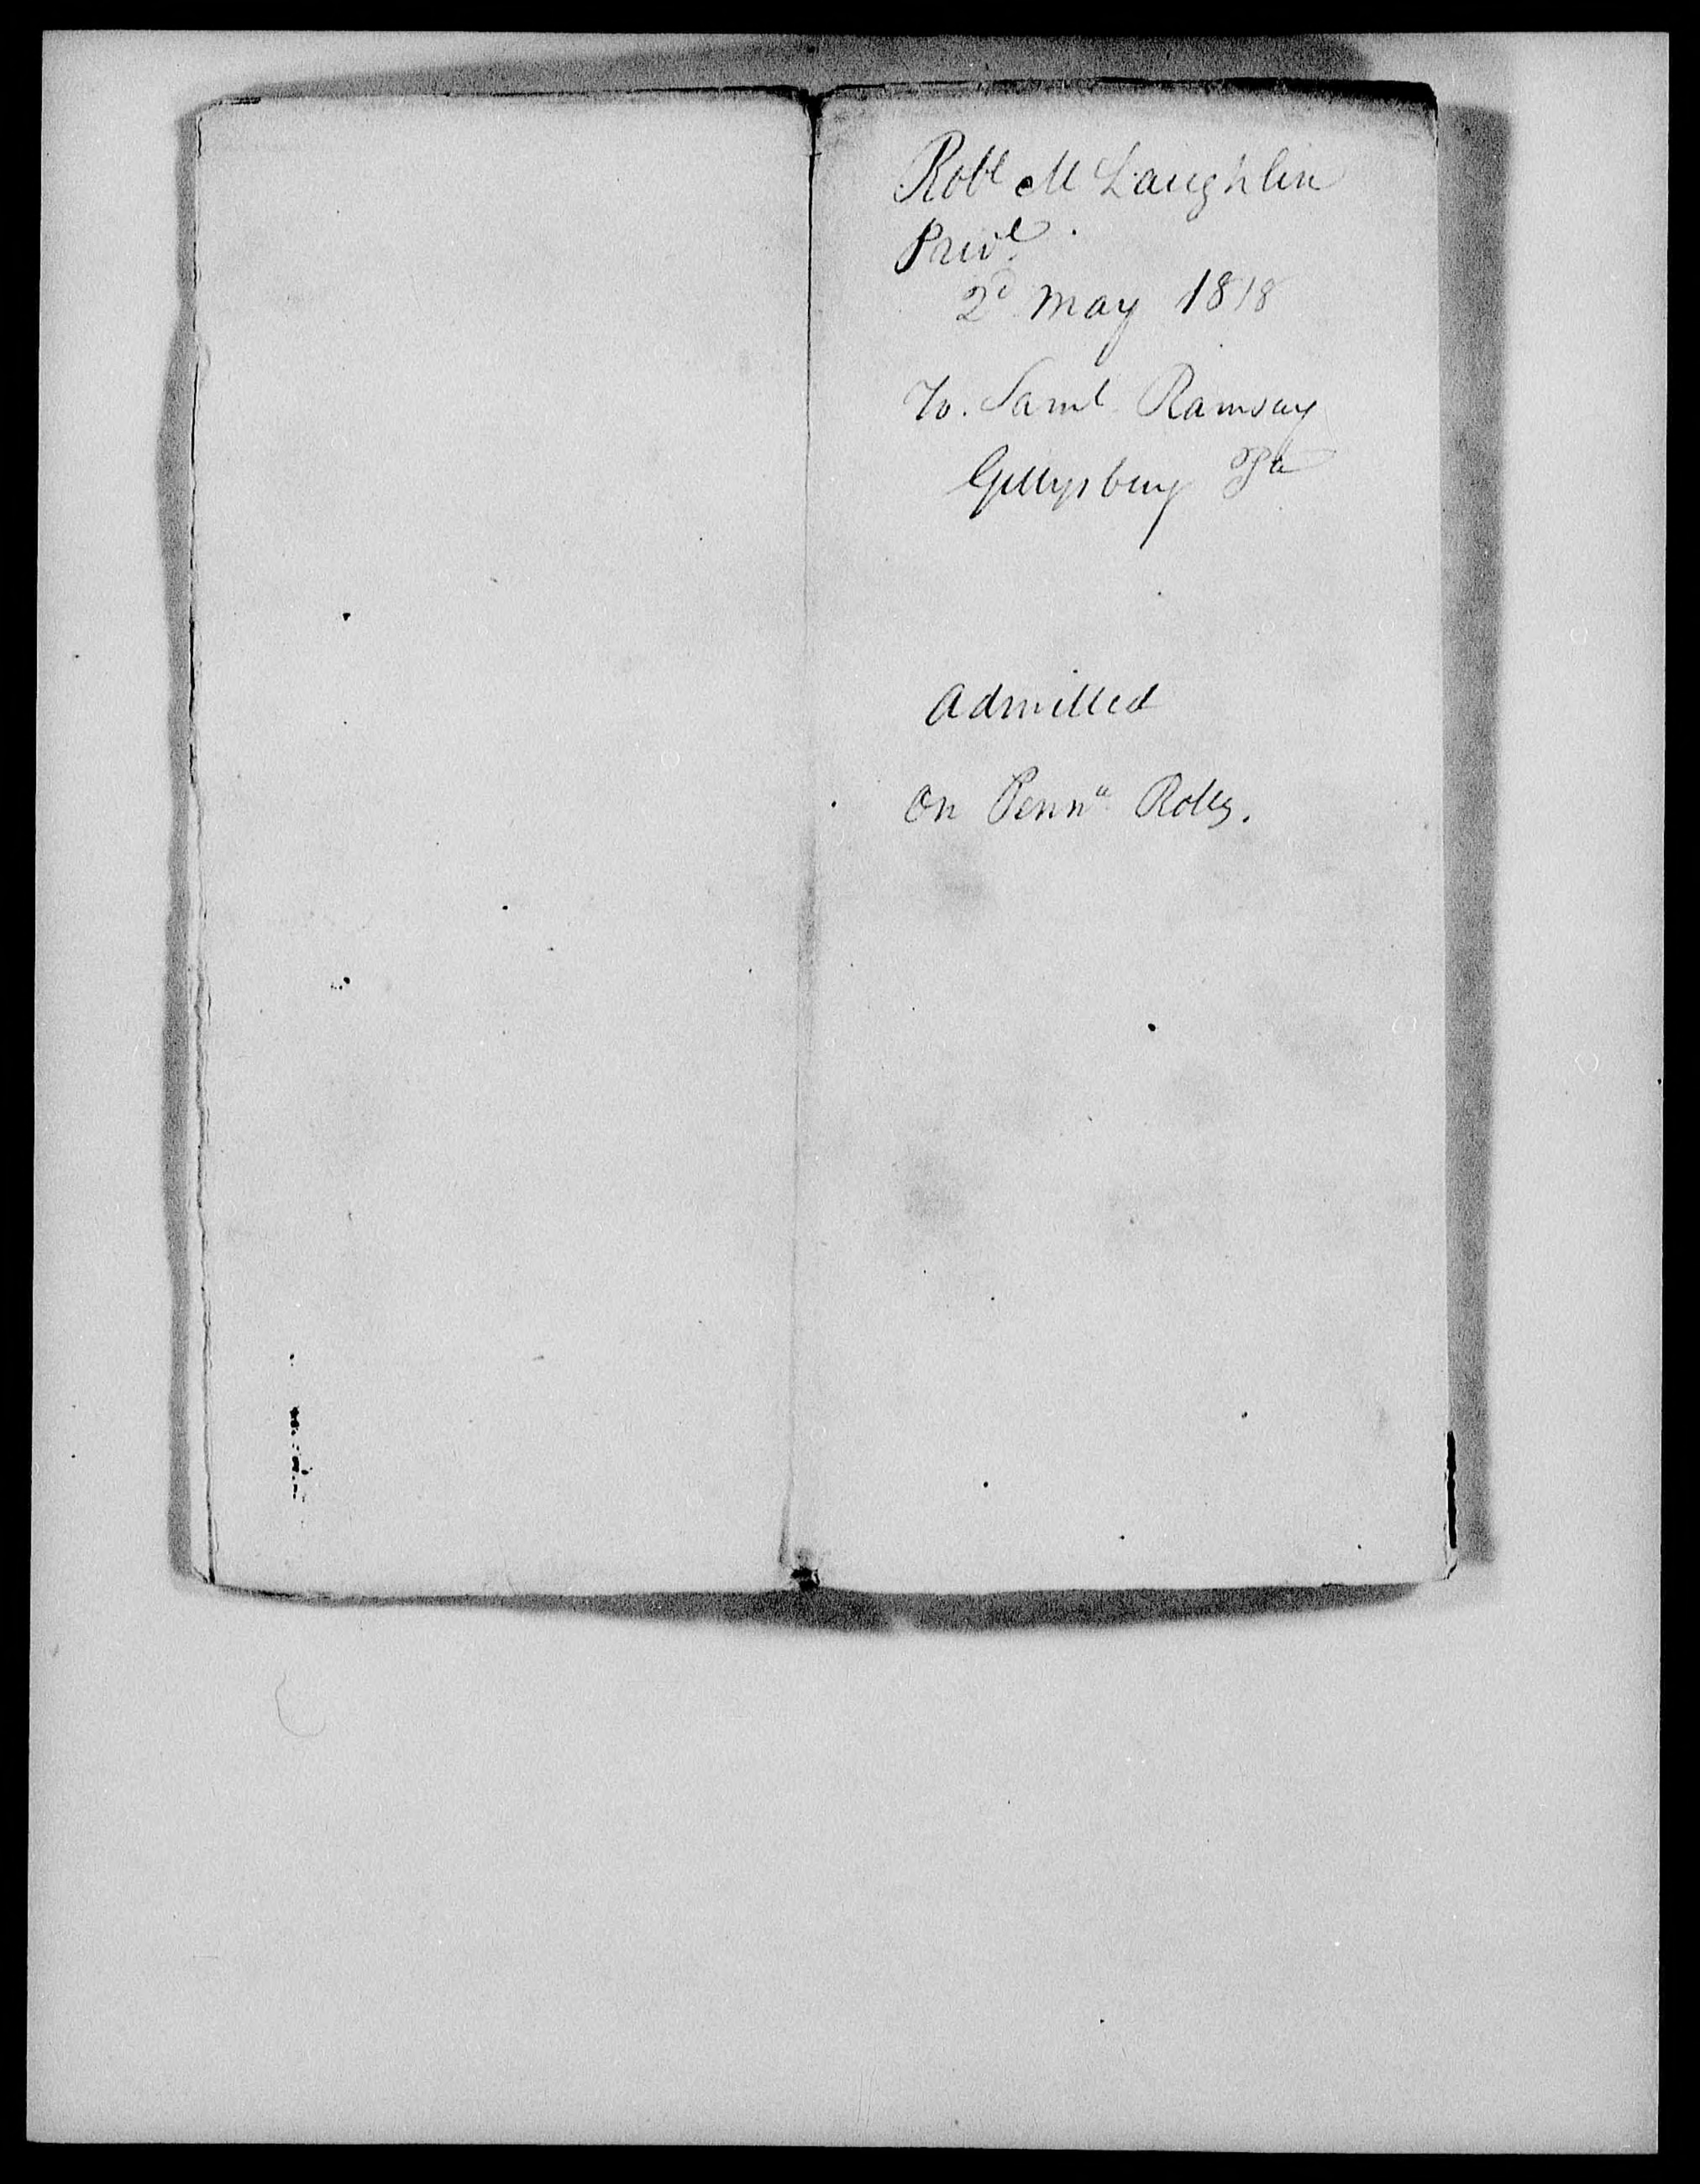[folded paper]
[on right side of fold]
Robt. McLaughlin
Privt.
2d May 1818
To. Saml Ramsay
Gettysburg Pa

admitted
on Penn. Roles.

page: 6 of 19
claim: survivor's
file: S. 40,146, for Robert Mc Laughlin, Pennsylvania